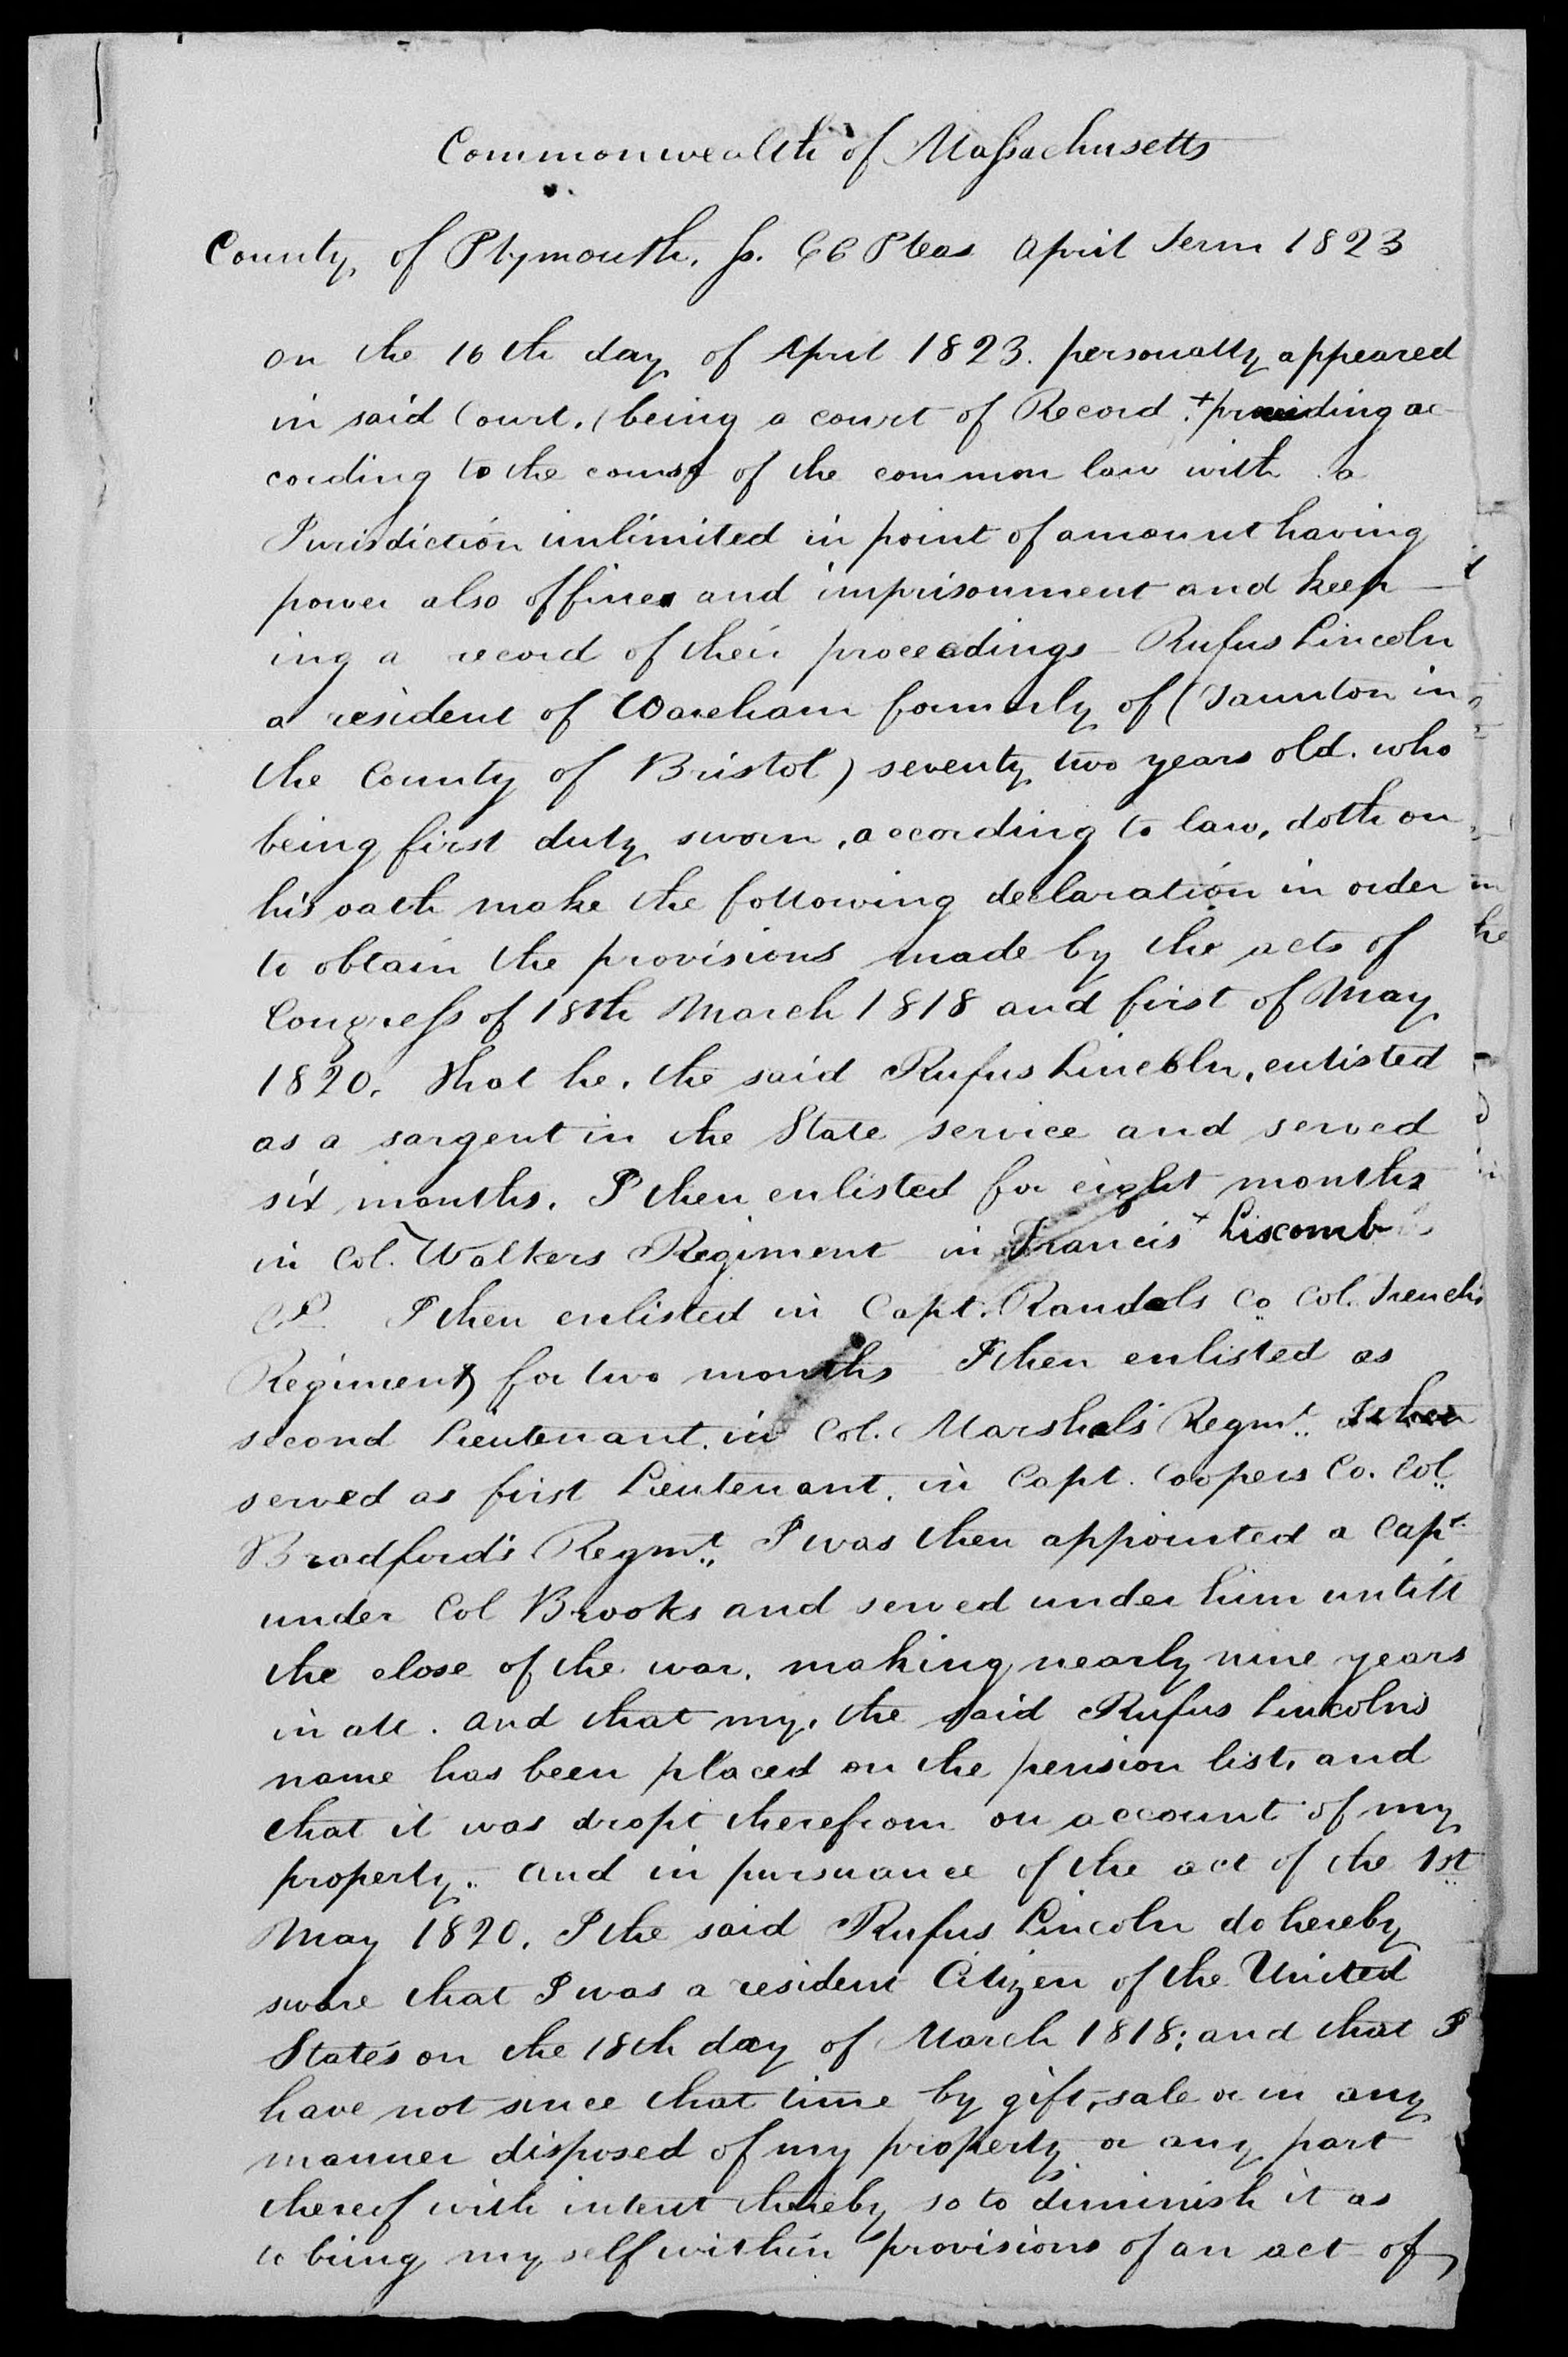Commonwealth of Massachusetts
County of Plymouth,Ss. J C Pleas April Term 1823
on the 16th day of April 1823 personally appeared in said Court, being a court of Record & providing according
to the course of the common law with a
Jurisdiction unlimited in point of amount having power also offices and imprisonment and keeping a record of their proceedings Rufus Lincoln a resident of Wareham formerly of Taunton in the County of Bristol, seventy two years old who being first duly sworn according to law, doth on his oath make the following declaration in order to obtain the provisions made by the acts of Congress of 18th March 1818 and first of May 1820, that he the said Rufus Lincoln enlisted as a sargent in the State service and served six months. I then enlisted for eight months in Col. Walkers Regiment in Francis Liscomb's Commd. I then enlisted in Capt. Randal Co Col. French's
Regiment for two months I then enlisted as
second Lieutenant in Col. Marshals Regmt. I then served as first Lieutenant in Capt Coopers Co, Col. Bradford's Regmt I was then appointed a capt under Col Brooks and served under him untill the close of the war, making nearly nine years in all. And that my the said Rufus Lincolns name has been placed on the pension list, and that it was dropt therefrom on account of my property, and in pursuance of the act of the 1st May 1820. I the said Rufus Lincoln do hereby sware that I was a resident Citizen of the United States on the 18th day of March 1818; and that have not since that time by gift, sale or in any manner disposed of my property or any part thereof with intent thereby so to diminish it as to bring myself within provisions of an act of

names: Rufus Lincoln; [BLANK] Brooks; Francis Liscomb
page: 54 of 82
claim: widow's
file: W. 13,634, for Rufus Lincoln, Massachusetts